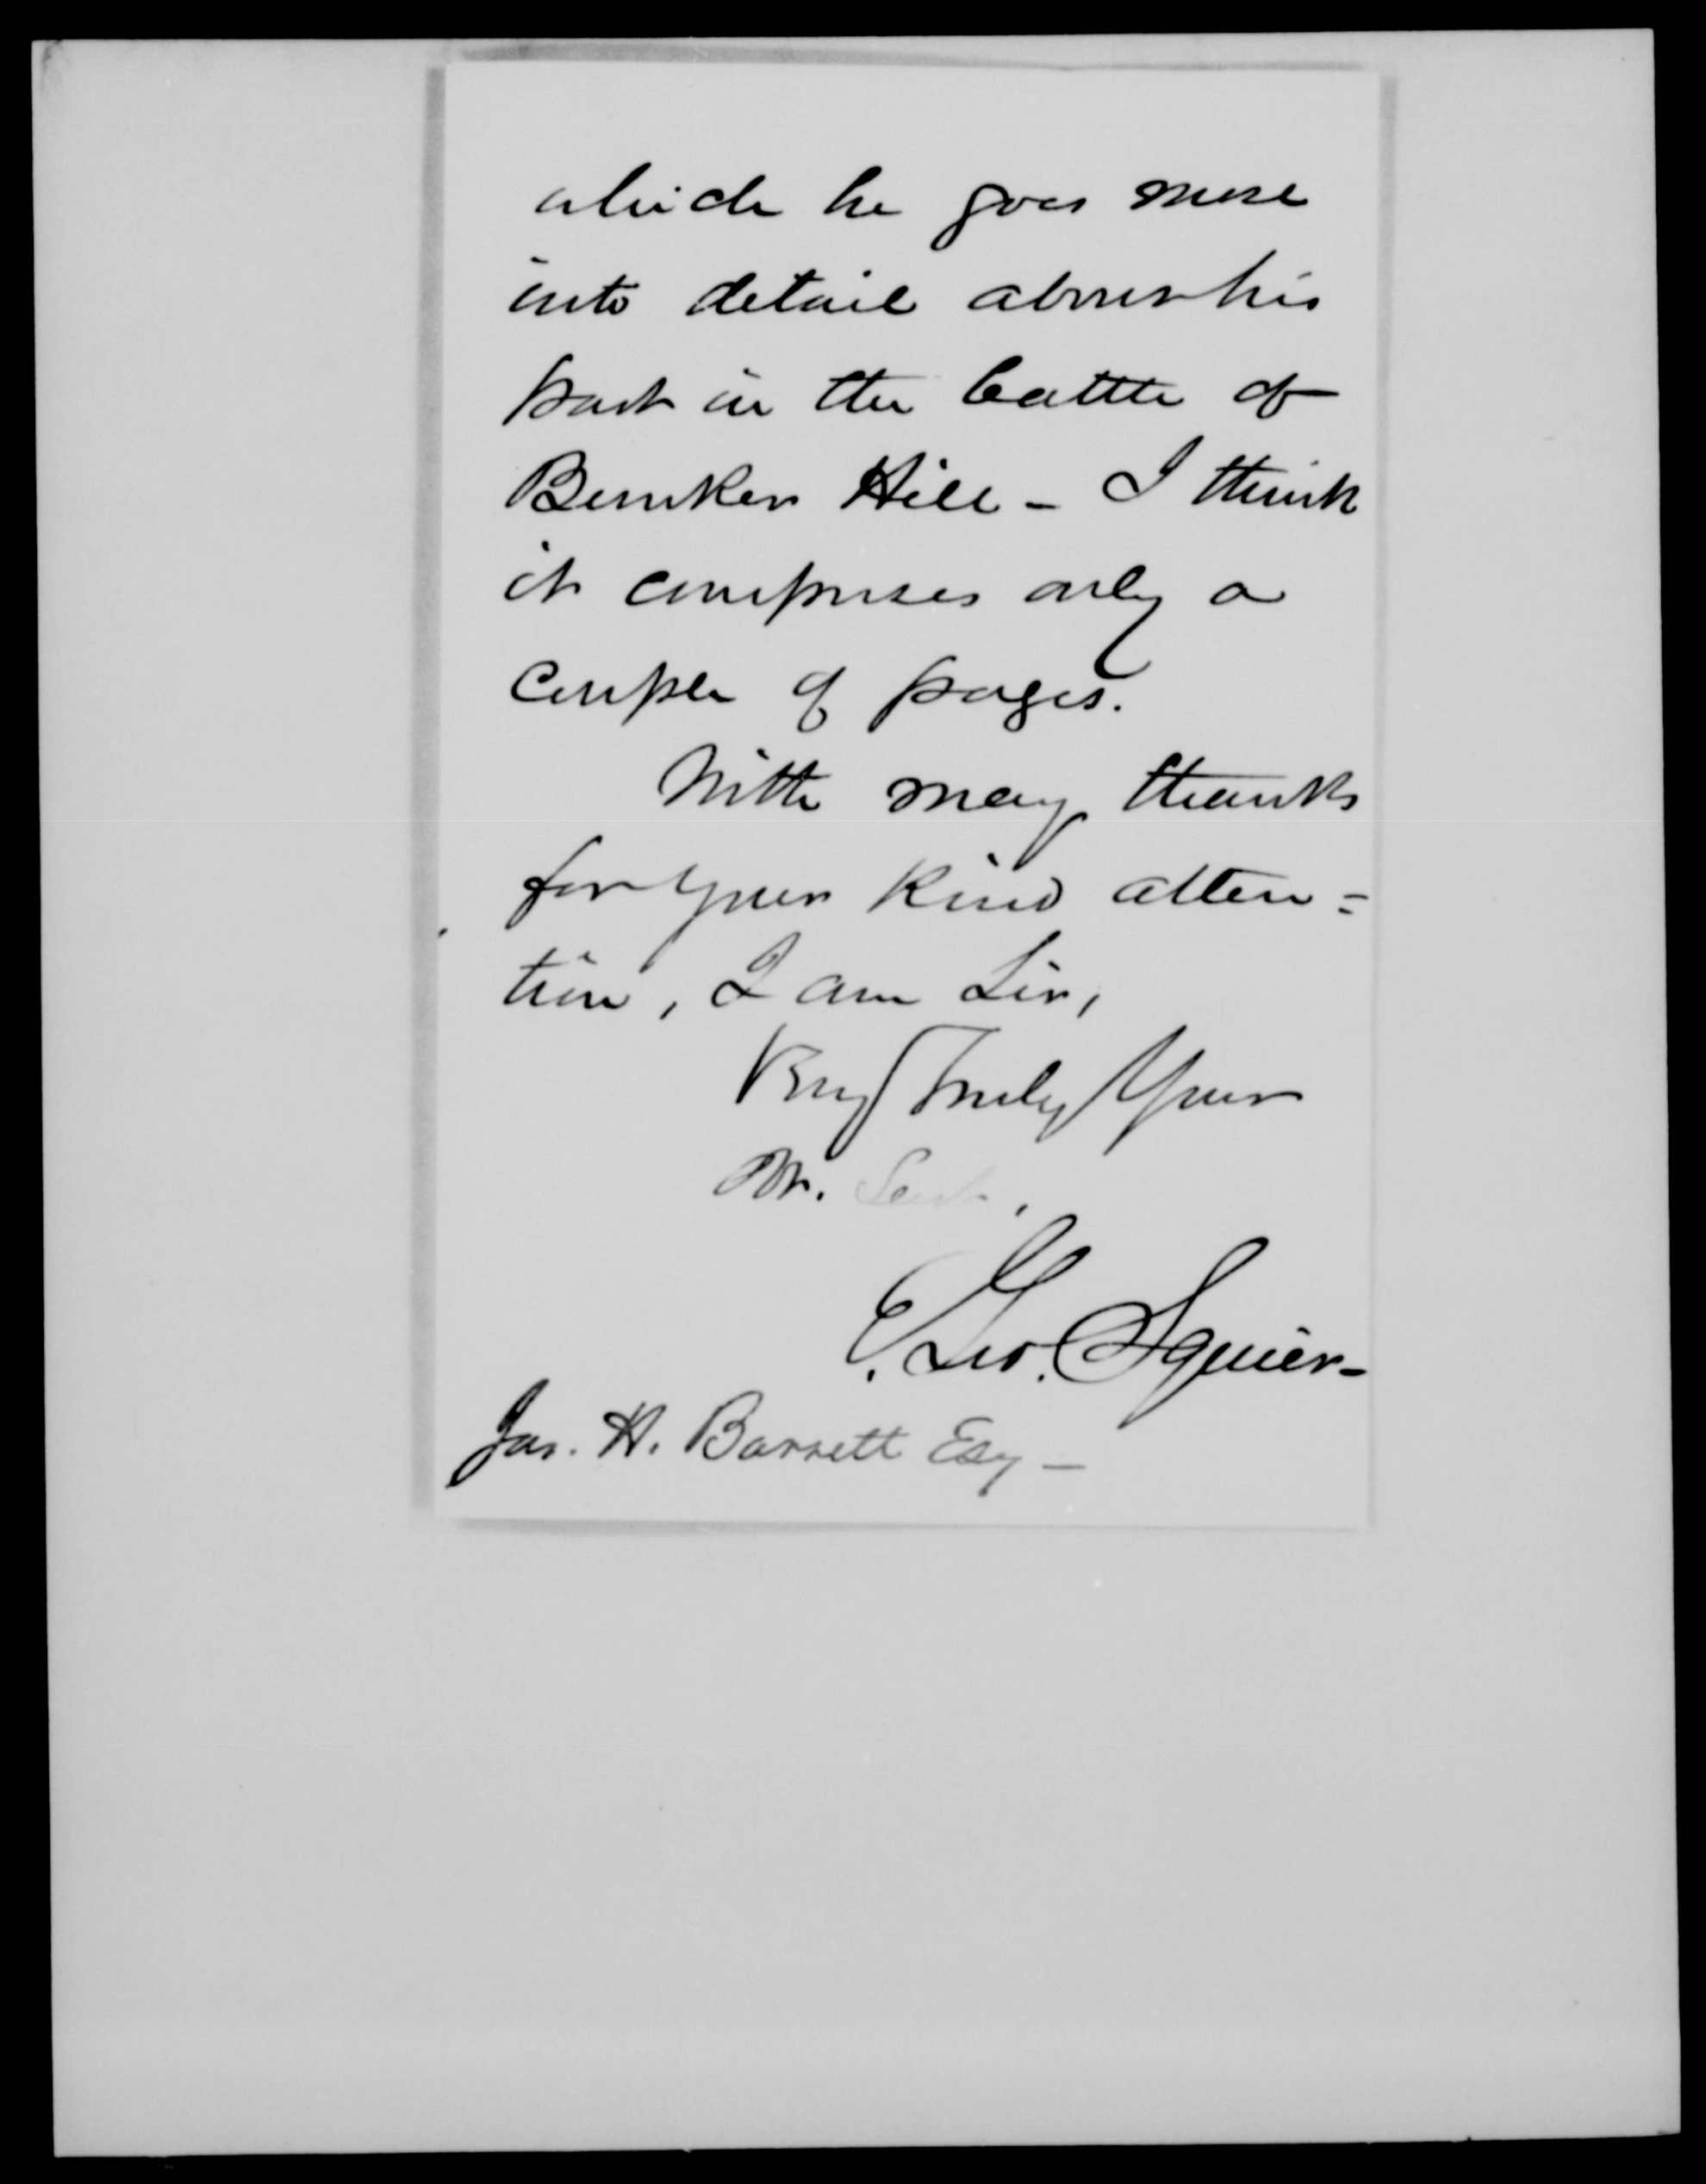which he goes more into detail about his part in the battle of Bunker Hill. I think it encompasses only a couple of pages. 
With many thanks for your kind attention, I am Sir, 
Very Truly Your 
[illegible] 
E. Geo. Squier

Jas. A . Barrett Esq. -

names: Jas H Barrett; E Geo Squier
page: 34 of 70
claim: rejected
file: R. 10,026, for Ephraim Squier, Connecticut